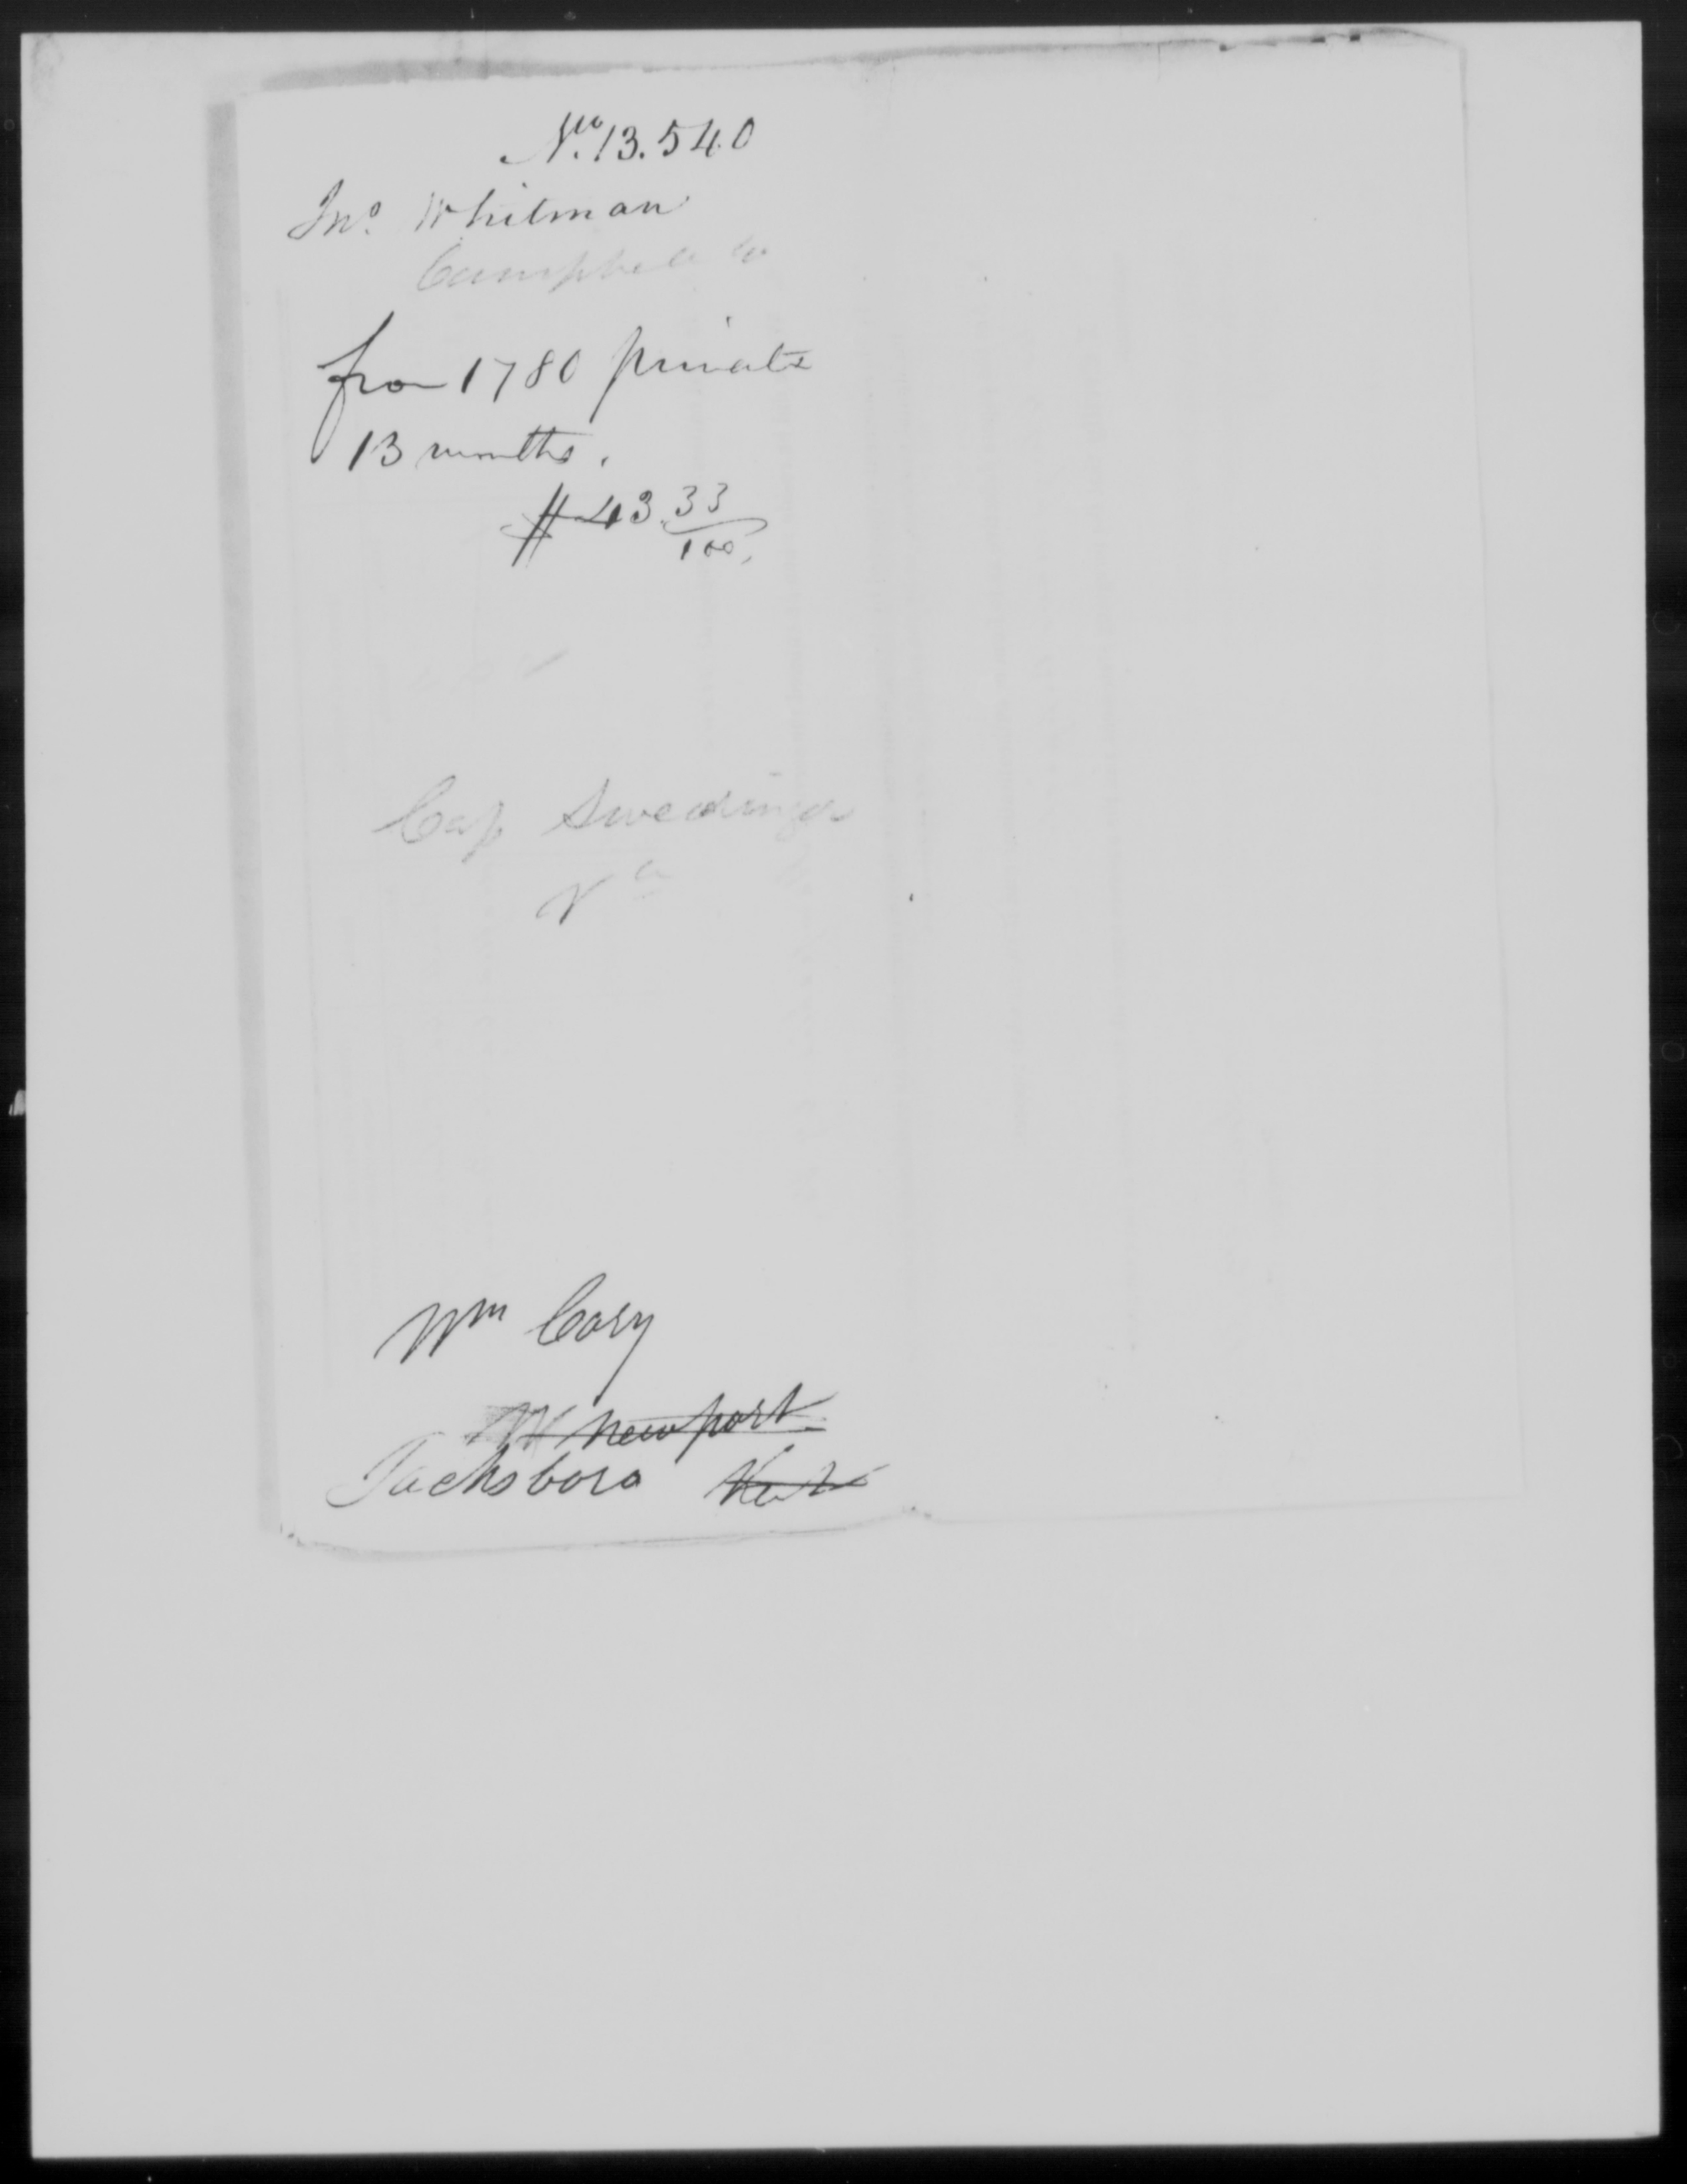No 13.540
Jno Whitman
Campbell Co

from 1780 private
13 months
$43 33/10

Cap Swearingen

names: Wm Cary, Jno Whitman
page: 6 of 22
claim: survivor's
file: S 2023, John Whitman, Va.